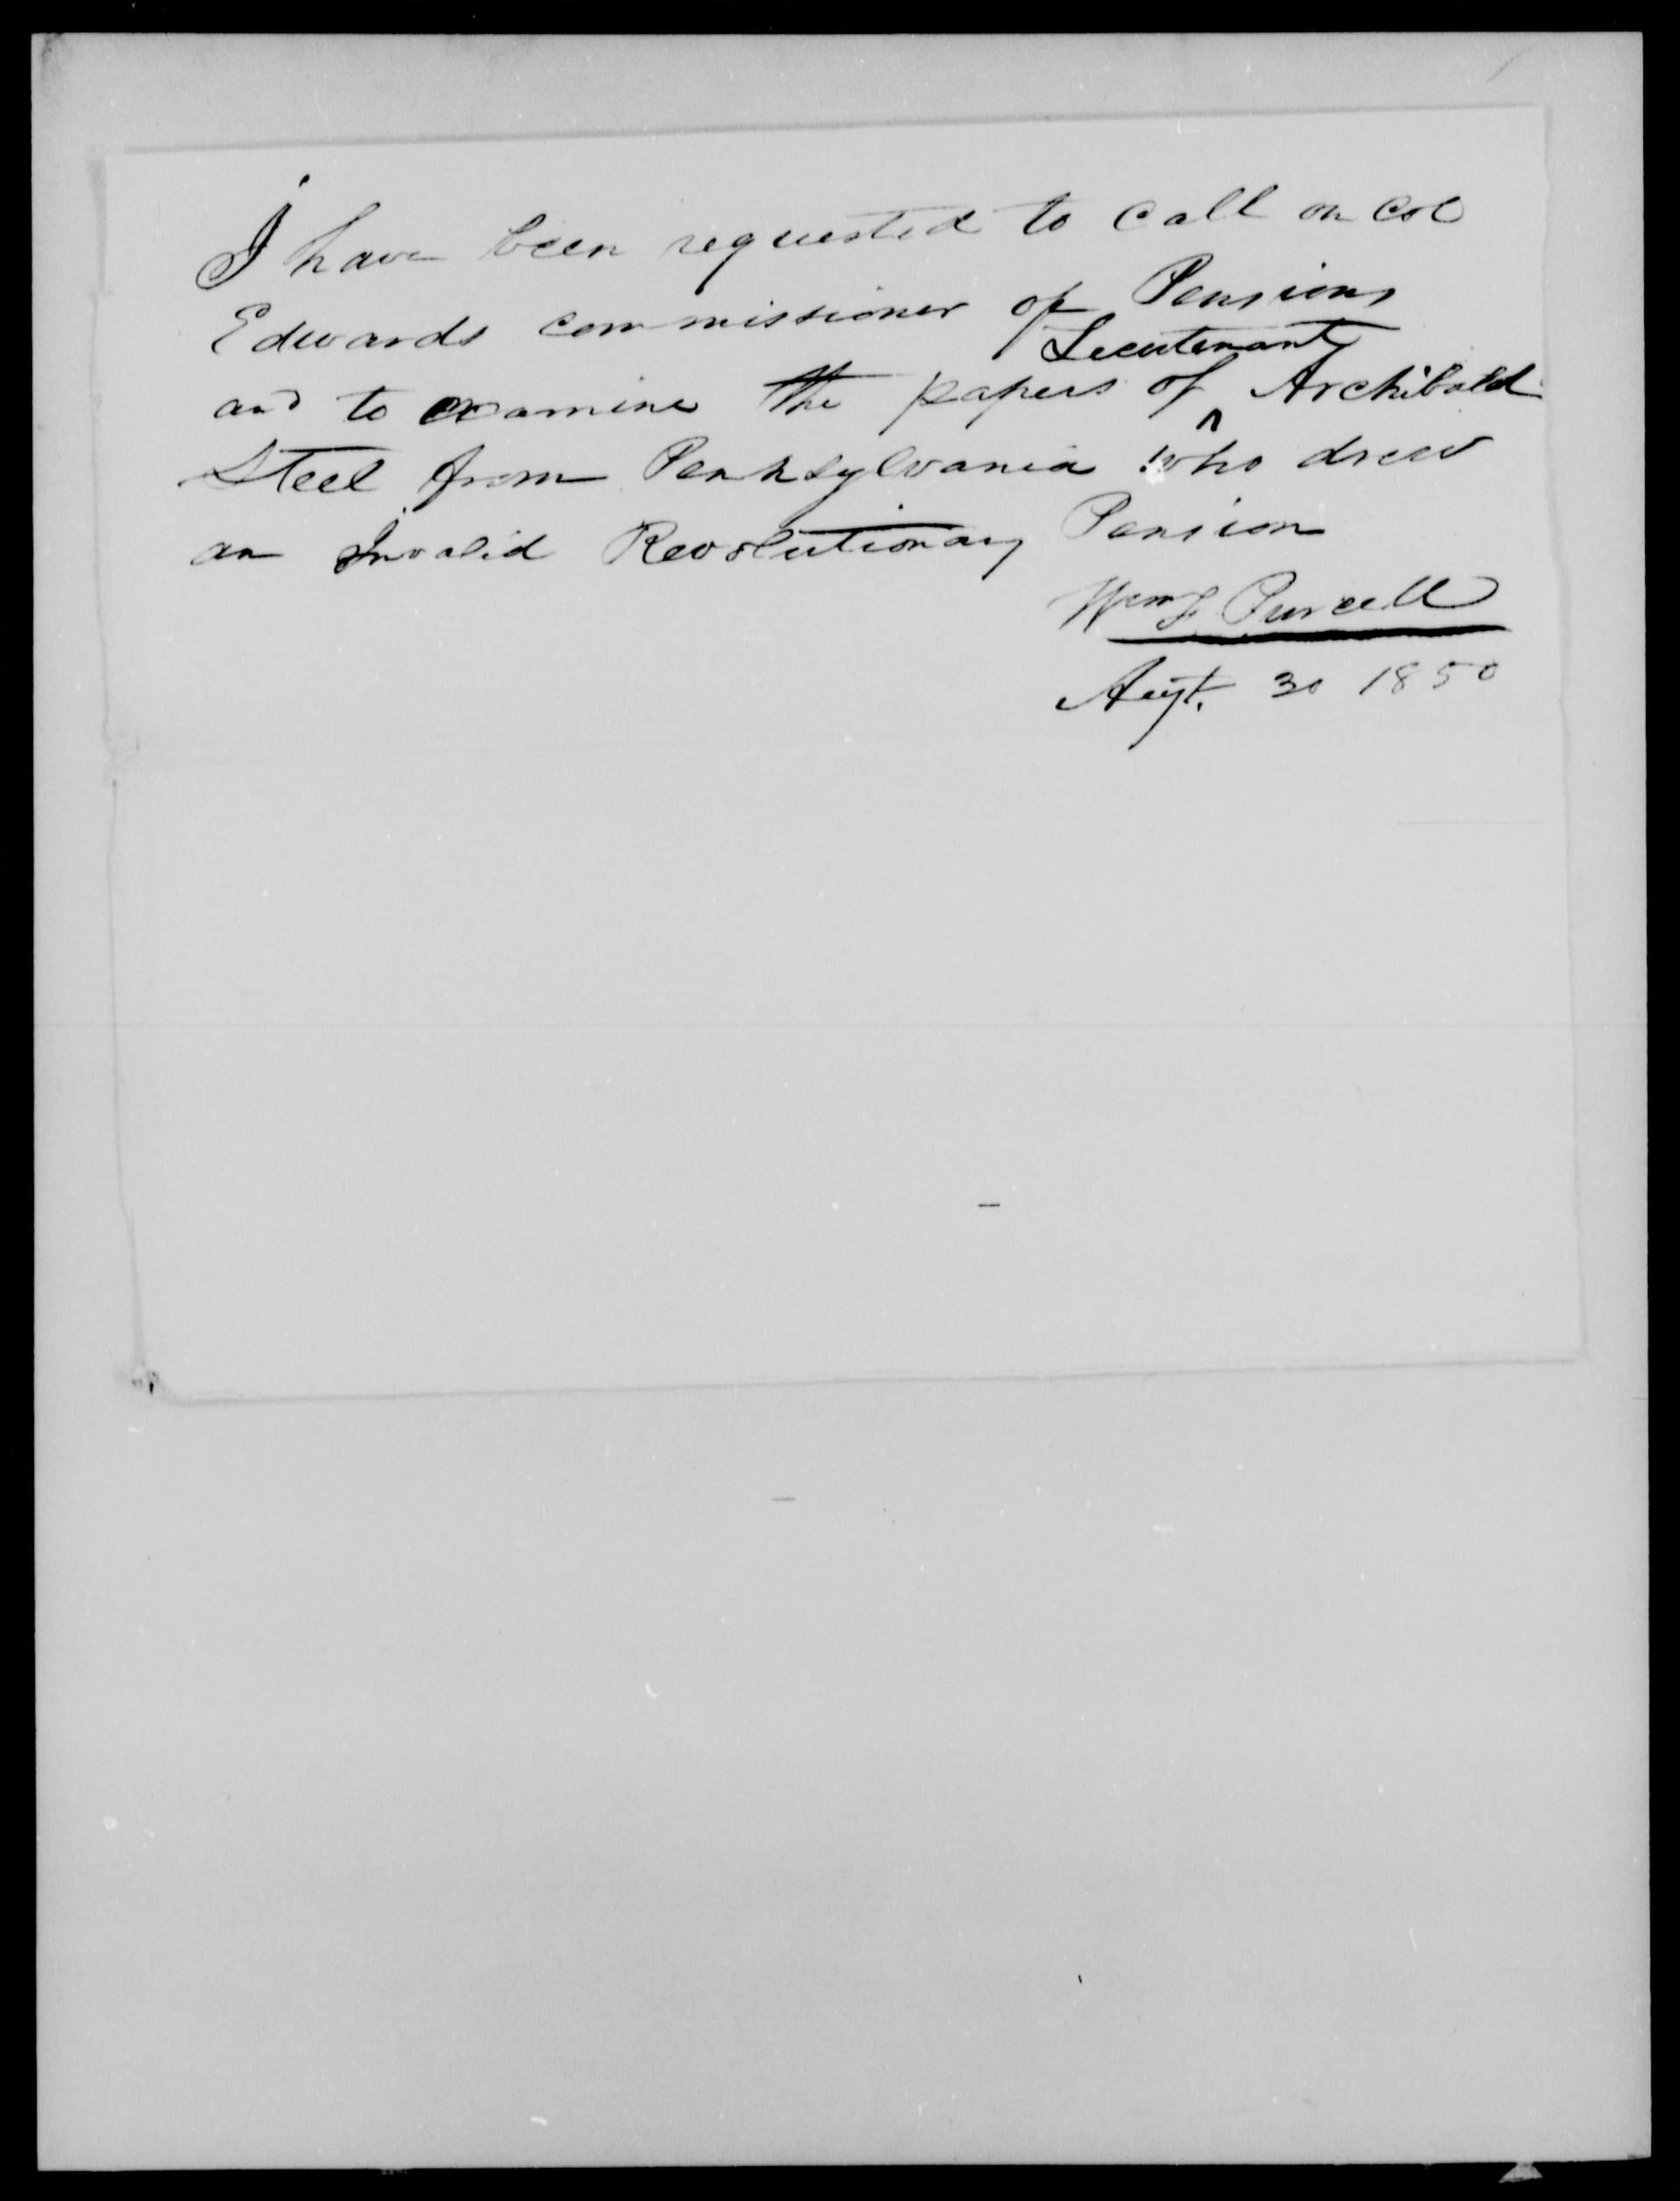I have been requested to call on Col Edwards, Commissioner of Pensions, and to examine the papers of Lieutenant Archibald Steel from Pennsylvania who drew an Invalid Revolutionary Pension

Wm L Purcell
Aug 30, 1850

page: 25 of 28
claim: survivor's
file: S. 7601, for Archibald Steel, Pennsylvania